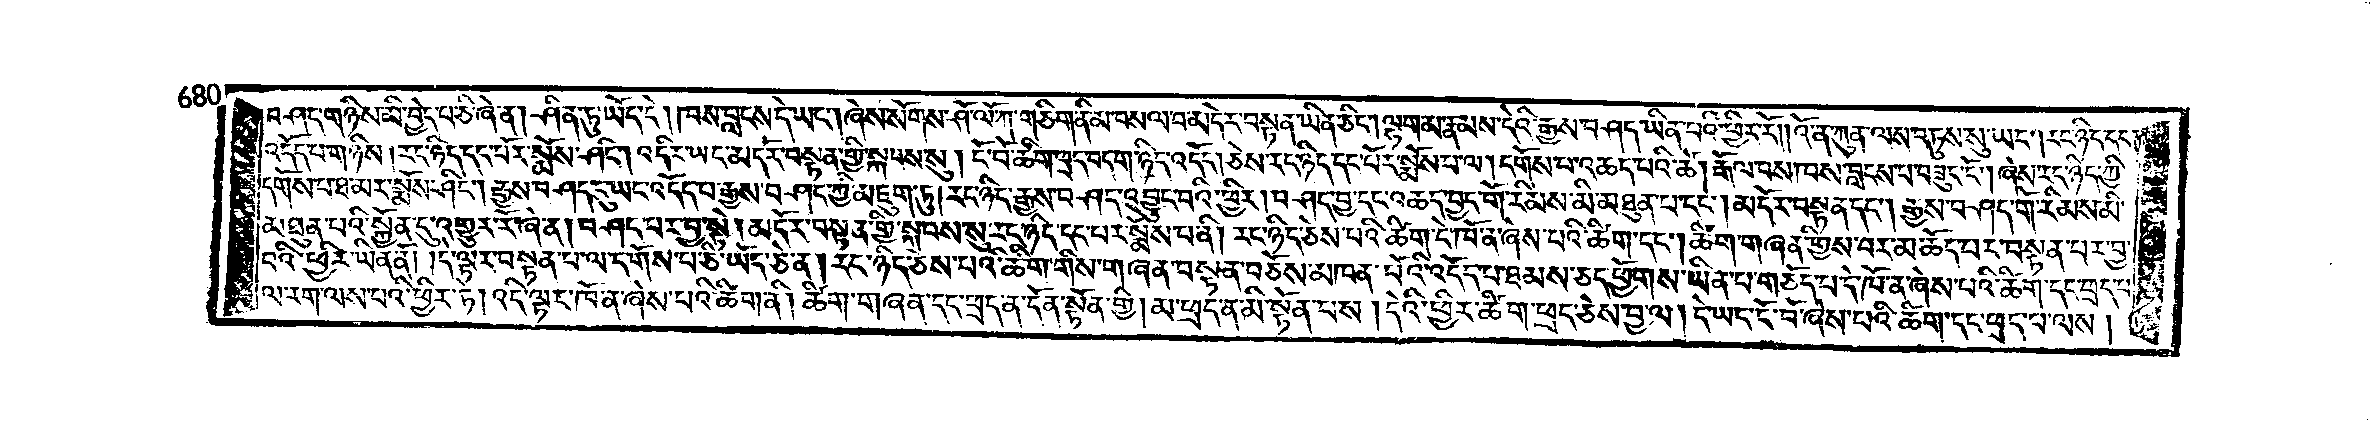བཤད་གཉིས་མི་བྱེད་པ་ཅི་ཞེ་ན། ཤིན་ཏུ་ཡོད་དེ། ཁས་བླངས་དེ་ཡང་། ཞེས་སོགས་ཤོ་ལོ་ཀ་གཅིག་ནི་མ་བསལ་བ་མདོར་བསྟན་ཡིན་ཅིང་། ལྷག་མ་རྣམས་དེའི་རྒྱས་བཤད་ཡིན་པའི་ཕྱིར། རོ། །འོ་ན་ཀུན་ལས་བཏུས་སུ་ཡང་། རང་ཉིད་དང་།
འདོད་པ་གཉིས། རང་ཉིད་དང་པོར་སྨོས་ཤིང་། འདིར་ཡང་མདོར་བསྟན་གྱི་སྐབས་སུ། ངོ་བོ་ཚིག་ཕྲད་བདག་ཉིད་འདོད། ཅེས་རང་ཉིད་དང་པོར་སྨོས་པ་ལ། དགོས་པ་འཆད་པའི་ཚེ། རྒོལ་བས་ཁས་བླངས་པ་བཟུང་ངོ། ཞེས་རང་ཉིད་ཀྱི་
དགོས་པ་ཐ་མར་སྨོས་ཤིང་། རྒྱས་བཤད་དུ་ཡང་འདོད་པ་རྒྱས་བཤད་ཀྱི་མཇུག་ཏུ། རང་ཉིད་རྒྱས་བཤད་འབྱུང་བའི་ཕྱིར། བཤད་བྱ་དང་འཆད་བྱེད་གོ་རིམས་མི་མཐུན་པ་དང་། མདོར་བསྟན་དང་། རྒྱས་བཤད་གོ་རིམས་མི་
མཐུན་པའི་སྐྱོན་དུ་འགྱུར་རོ་ཞེ་ན། བཤད་པར་བྱ་སྟེ། མདོར་བསྟན་གྱི་སྐབས་སུ་རང་ཉིད་དང་པོར་སྨོས་པ་ནི། རང་ཉིད་ཅེས་པའི་ཚིག་དེ་ཁོ་ན་ཞེས་པའི་ཚིག་དང་། ཚིག་གཞན་གྱིས་བར་མ་ཆོད་པར་བསྟན་པར་བྱ་
བའི་ཕྱིར་ཡིན་ནོ། །དེ་ལྟར་བསྟན་པ་ལ་དགོས་པ་ཅི་ཡོད་ཅེ་ན། རང་ཉིད་ཅེས་པའི་ཚིག་གིས་གཞན་བསྟན་བཅོས་མཁན་པོའི་འདོད་པ་ཐམས་ཅད་ཕྱོགས་ཡིན་པ་གཅོད་པ་དེ་ཁོ་ན་ཞེས་པའི་ཚིག་དང་ཕྲད་པ་
ལ་རག་ལས་པའི་ཕྱིར་ཏེ། འདི་ལྟར་ཁོ་ན་ཞེས་པའི་ཚིག་ནི། ཚིག་གཞན་དང་ཕྲད་ན་དོན་སྟོན་གྱི། མ་ཕྲད་ན་མི་སྟོན་པས། དེའི་ཕྱིར་ཚིག་ཕྲད་ཅེས་བྱ་ལ། དེ་ཡང་ངོ་བོ་ཞེས་པའི་ཚིག་དང་ཕྲད་པ་ལས།